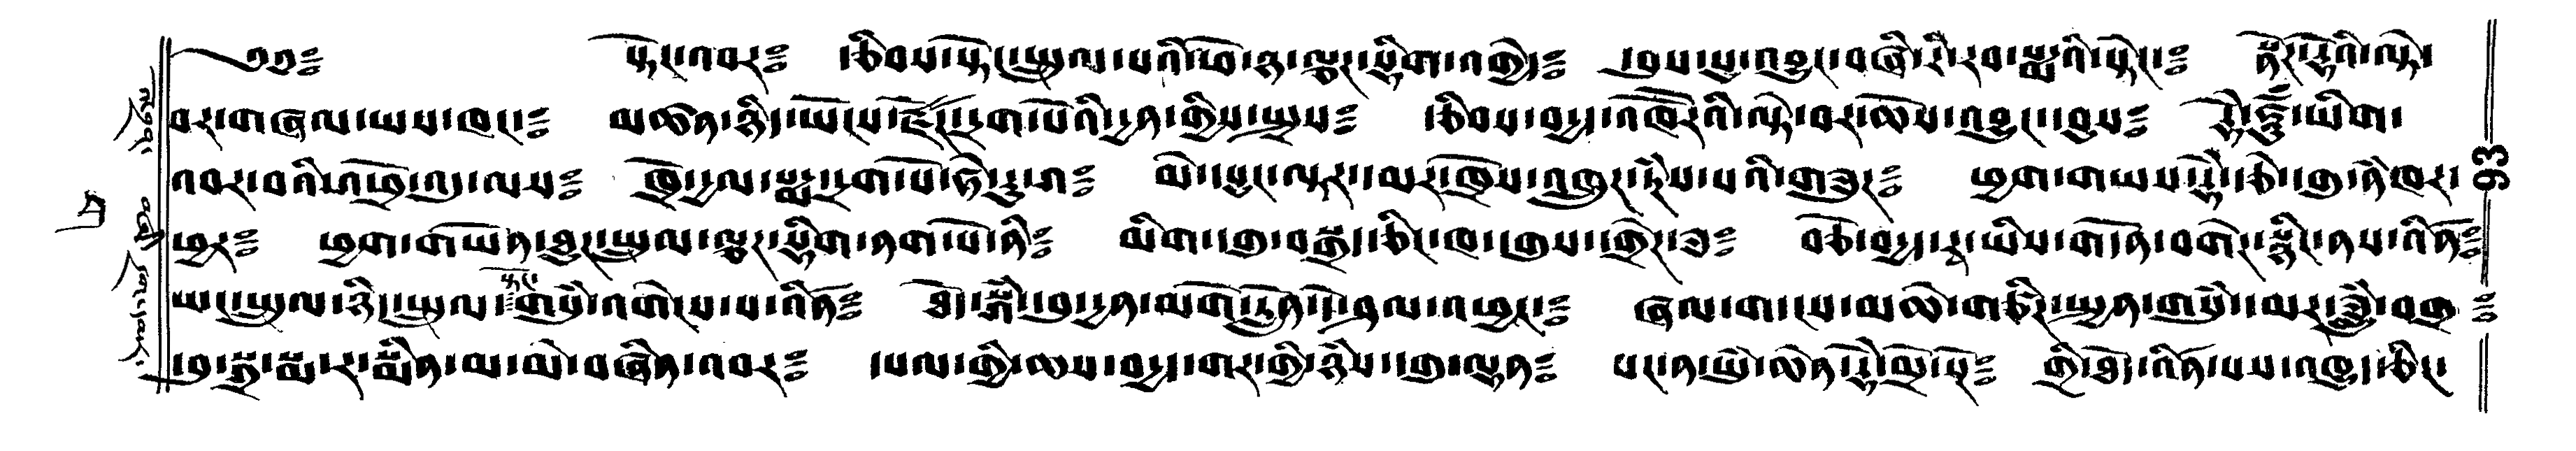སྟོང་འབར༔ རྩིབས་སྟོང་སྤྲུལ་པའི་ཕོ་ཉ་ལྕགས་སྡིག་འགྱེད༔ དབུས་སུ་འབྱུང་བཞི་རི་རབ་པདྨའི་སྟེང༔ སྣ་ཚོགས་རྡོ་རྗེའི་ལྟེ་
བར་གཞལ་ཡས་ཁང༔ མཚན་ཉིད་ཡོངས་རྫོགས་དྲག་པོའི་རྒྱན་གྱིས་སྤྲས༔ རྩིབས་བརྒྱད་འཁོར་ལོའི་ལྟེ་བར་ཆོས་འབྱུང་དབུས༔ རྡོ་རྗེ་ཧཱུྃ་ཡིག་
འབར་བའི་འཕྲོ་འདུ་ལས༔ ཁྲོ་རྒྱལ་པདྨ་དྲག་པོ་ཧེ་རུ་ཀ༔ མེ་དཔུང་ལྟར་དམར་ཁྲོས་འཁྲུགས་རྔམ་པའི་གཟུགས༔ ཕྱག་གཡས་རྡོ་རྗེ་རྩེ་དགུ་ནམ་མཁར་
འཕྱར༔ ཕྱག་གཡོན་ཐུགས་སྤྲུལ་ལྕགས་སྡིག་ནག་པོ་ནི༔ མིག་དགུ་བསྒྲད་ཅིང་ཁ་དགུས་དགྲ་བགེགས་ཟ༔ བཅོ་བརྒྱད་རྭ་ཡིས་གདོན་བགེགས་སྙིང་ནས་འཛིན༔ 
ཡང་སྤྲུལ་ཉིང་སྤྲུལ་སྟོང་གསུམ་འགེངས་པ་འཛིན༔ ཐོད་སྐམ་དབུ་རྒྱན་མགོ་རློན་དོ་ཤལ་འཕྱང༔ ཞལ་གདངས་མཆེ་གཙིགས་སྤྱན་གསུམ་དམར་ཟླུམ་བགྲད༔ 
དབུ་སྐྲ་སྨ་ར་སྨིན་མ་མེ་བཞིན་འབར༔ དཔལ་གྱི་ཆས་བརྒྱད་གར་གྱི་ཉམས་དགུ་ལྡན༔ པད་ན་ཡུམ་ཆེན་རྡོ་རྗེ་མཁའ་འགྲོ་སྔོ༔ གྲི་ཐོད་འཛིན་པས་འཁྱུད་ཅིང་